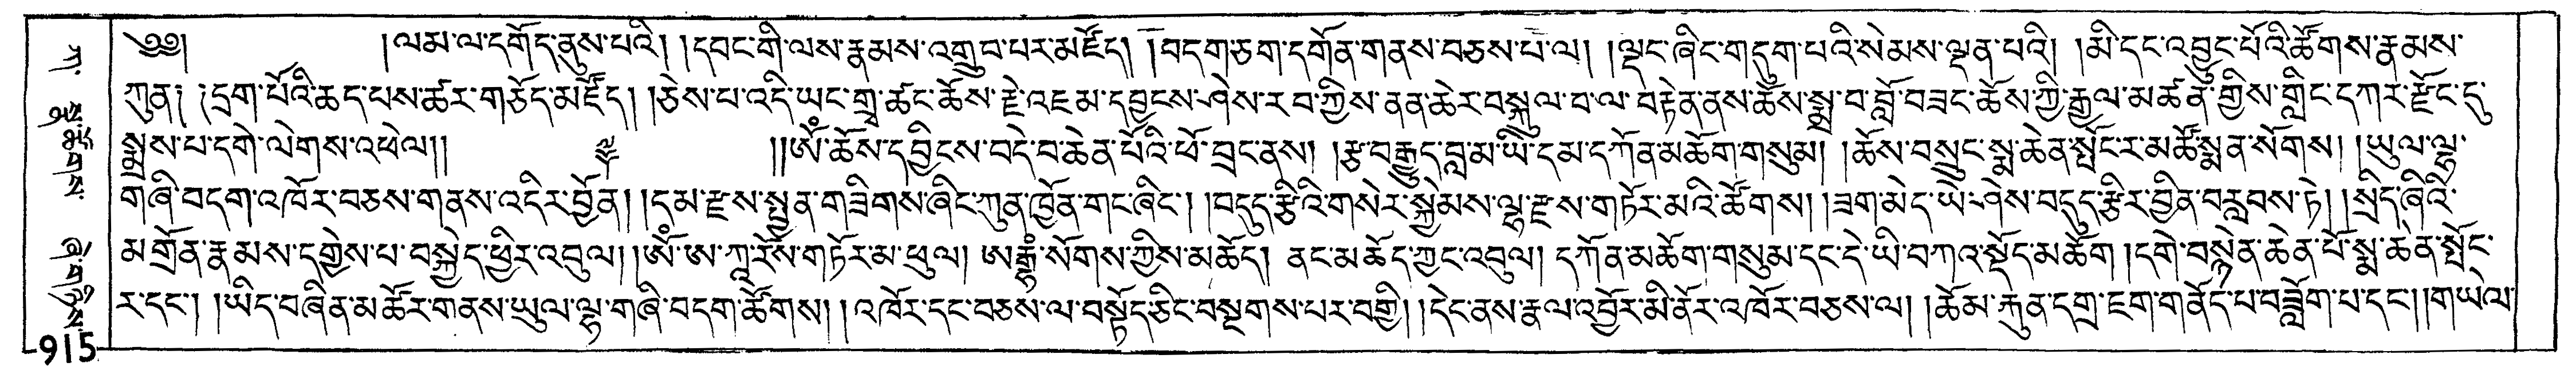༄༅། །ལམ་ལ་དགོད་ནུས་པའི། །དབང་གི་ལས་རྣམས་འགྲུབ་པར་མཛོད། །བདག་ཅག་དགོན་གནས་བཅས་པ་ལ། །ལྡང་ཞིང་གདུག་པའི་སེམས་ལྡན་པའི། །མི་དང་འབྱུང་པོའི་ཚོགས་རྣམས་
ཀུན༑ ༑དྲག་པོའི་ཆད་པས་ཚར་གཅོད་མཛོད། །ཅེས་པ་འདི་ཡང་གྲྭ་ཚང་ཆོས་རྗེ་འཇམ་དབྱངས་ཤེས་རབ་ཀྱིས་ནན་ཆེར་བསྐུལ་བ་ལ་བརྟེན་ནས་ཆོས་སྨྲ་བ་བློ་བཟང་ཆོས་ཀྱི་རྒྱལ་མཚན་གྱིས་གླིང་དཀར་རྫོང་དུ་
སྨྲས་པ་དགེ་ལེགས་འཕེལ།། ༈ །།ཨོཾ་ཆོས་དབྱིངས་བདེ་བ་ཆེན་པོའི་ཕོ་བྲང་ནས། །རྩ་བརྒྱུད་བླ་མ་ཡི་དམ་དཀོན་མཆོག་གསུམ། །ཆོས་བསྲུང་སྨ་ཆེན་སྤོང་ར་མཚོ་སྨན་སོགས། །ཡུལ་ལྷ་
གཞི་བདག་འཁོར་བཅས་གནས་འདིར་བྱོན། །དམ་རྫས་སྤྱན་གཟིགས་ཞིང་ཀུན་ཁྱོན་གང་ཞིང་། །བདུད་རྩིའི་གསེར་སྐྱེམས་ལྷ་རྫས་གཏོར་མའི་ཚོགས། །ཟག་མེད་ཡེ་ཤེས་བདུད་རྩིར་བྱིན་བརླབས་ཏེ། །སྲིད་ཞིའི་
མགྲོན་རྣམས་དགྱེས་པ་བསྐྱེད་ཕྱིར་འབུལ། །ཨོཾ་ཨ་ཀཱ་རོས་གཏོར་མ་ཕུལ། ཨརྒྷཾ་སོགས་ཀྱིས་མཆོད། ནང་མཆོད་ཀྱང་འབུལ། དཀོན་མཆོག་གསུམ་དང་དེ་ཡི་བཀའ་སྡོད་མཆོག །དགེ་བསྙེན་ཆེན་པོ་སྨ་ཆེན་སྤོང་
ར་དང་། །ཡིད་བཞིན་མཚོར་གནས་ཡུལ་ལྷ་གཞི་བདག་ཚོགས། །འཁོར་དང་བཅས་ལ་བསྟོད་ཅིང་བསྔགས་པར་བགྱི། །དེང་ནས་རྣལ་འབྱོར་མི་ནོར་འཁོར་བཅས་ལ། །ཆོམ་རྐུན་དགྲ་ཇག་གནོད་པ་བཟློག་པ་དང་། །གཡེལ་